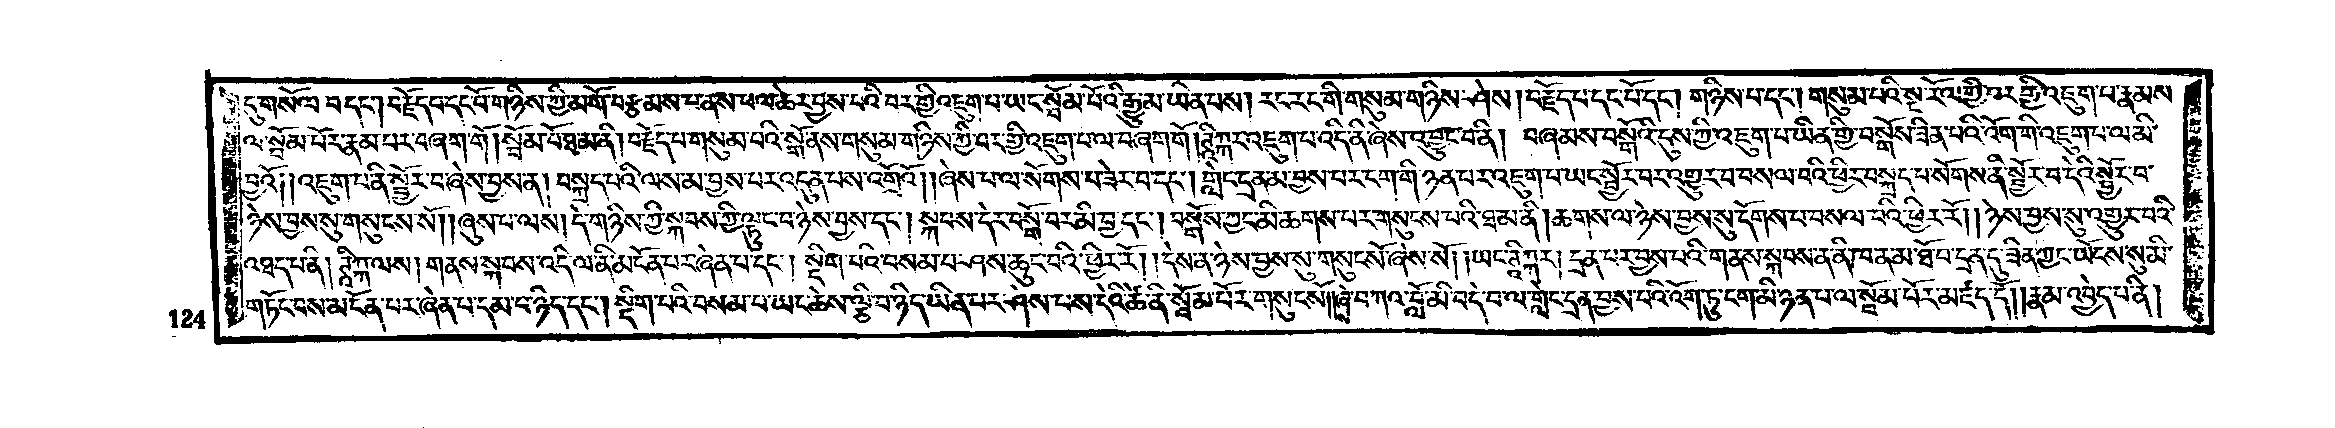དུ་གསོལ་བ་དང་། བརྗོད་པ་དང་པོ་གཉིས་ཀྱི་མགོ་བརྩམས་པ་ནས་ཕལ་ཆེར་བྱས་པའི་བར་གྱི་འཇུག་པ་ཡང་སྦོམ་པོའི་རྒྱུ་མ་ཡིན་པས། རང་རང་གི་གསུམ་གཉིས་ཤེས། བརྗོད་པ་དང་པོ་དང་། གཉིས་པ་དང་། གསུམ་པའི་སྔ་རོལ་གྱི་བར་གྱི་འཇུག་པ་རྣམས་
ལ་སྦོམ་པོར་རྣམ་པར་བཞག་གོ །སྦོམ་པོ་ཐ་མ་ནི། བརྗོད་པ་གསུམ་པའི་སྒོ་ནས་གསུམ་གཉིས་ཀྱི་བར་གྱི་འཇུག་པ་ལ་བཞག་གོ །ཊཱིཀྐར་འཇུག་པ་འདི་ནི་ཞེས་འབྱུང་བ་ནི། བཞམས་བསྒོའི་དུས་ཀྱི་འཇུག་པ་ཡིན་གྱི་བསྒོས་ཟིན་པའི་འོག་གི་འཇུག་པ་ལ་མི་
བྱའོ། །འཇུག་པ་ནི་སྦྱོར་བ་ཞེས་བྱས་ན། བསྐྲད་པའི་ལས་མ་བྱས་པར་འདུན་པས་འགྲོའོ། །ཞེས་པ་ལ་སོགས་པ་ཟེར་བ་དང་། གླེང་དྲན་མ་བྱས་པར་ངག་གི་ཉན་པར་འཇུག་པ་ཡང་སྦྱོར་བར་འགྱུར་བ་བསལ་བའི་ཕྱིར་བསྐྲད་པ་སོགས་ནི་སྦྱོར་བ་དེའི་སྦྱོར་བ་
ཉེས་བྱས་སུ་གསུངས་སོ། །ཞུས་པ་ལས། དེ་གཉིས་ཀྱི་སྐབས་ཀྱི་ལྟུང་བ་ཉེས་བྱས་དང་། སྐབས་དེར་བསྒོ་བར་མི་བྱ་དང་། བསྒོས་ཀྱང་མི་ཆགས་པར་གསུངས་པའི་ཐ་མ་ནི། ཆགས་ལ་ཉེས་བྱས་སུ་དོགས་པ་བསལ་བའི་ཕྱིར་རོ། །ཉེས་བྱས་སུ་འགྱུར་བའི་
འཐད་པ་ནི། ཊཱིཀྐ་ལས། གནས་སྐབས་འདི་ལ་ནི་མངོན་པར་ཞེན་པ་དང་། སྡིག་པའི་བསམ་པ་ཤས་ཆུང་བའི་ཕྱིར་རོ། །དེས་ན་ཉེས་བྱས་སུ་གསུངས་སོ་ཞེས་སོ། །ཡང་ཊཱིཀྐར། དྲན་པར་བྱས་པའི་གནས་སྐབས་ན་ནི་ཁ་ན་མ་ཐོ་བ་དྲན་དུ་ཟིན་ཀྱང་ཡོངས་སུ་མི་
གཏོང་བས་མངོན་པར་ཞེན་པ་དམ་པ་ཉིད་དང་། སྡིག་པའི་བསམ་པ་ཡང་ཆེས་ལྕི་བ་ཉིད་ཡིན་པར་ཤེས་པས་དེའི་ཚེ་ནི་སྦོམ་པོར་གསུངས་སོ། །ཞེས་བཀའ་བློ་མི་བདེ་བ་ལ་གླེང་དྲན་བྱས་པའི་འོག་ཏུ་ངག་མི་ཉན་པ་ལ་སྦོམ་པོར་མཛད་དོ། །རྣམ་འབྱེད་པ་ནི།